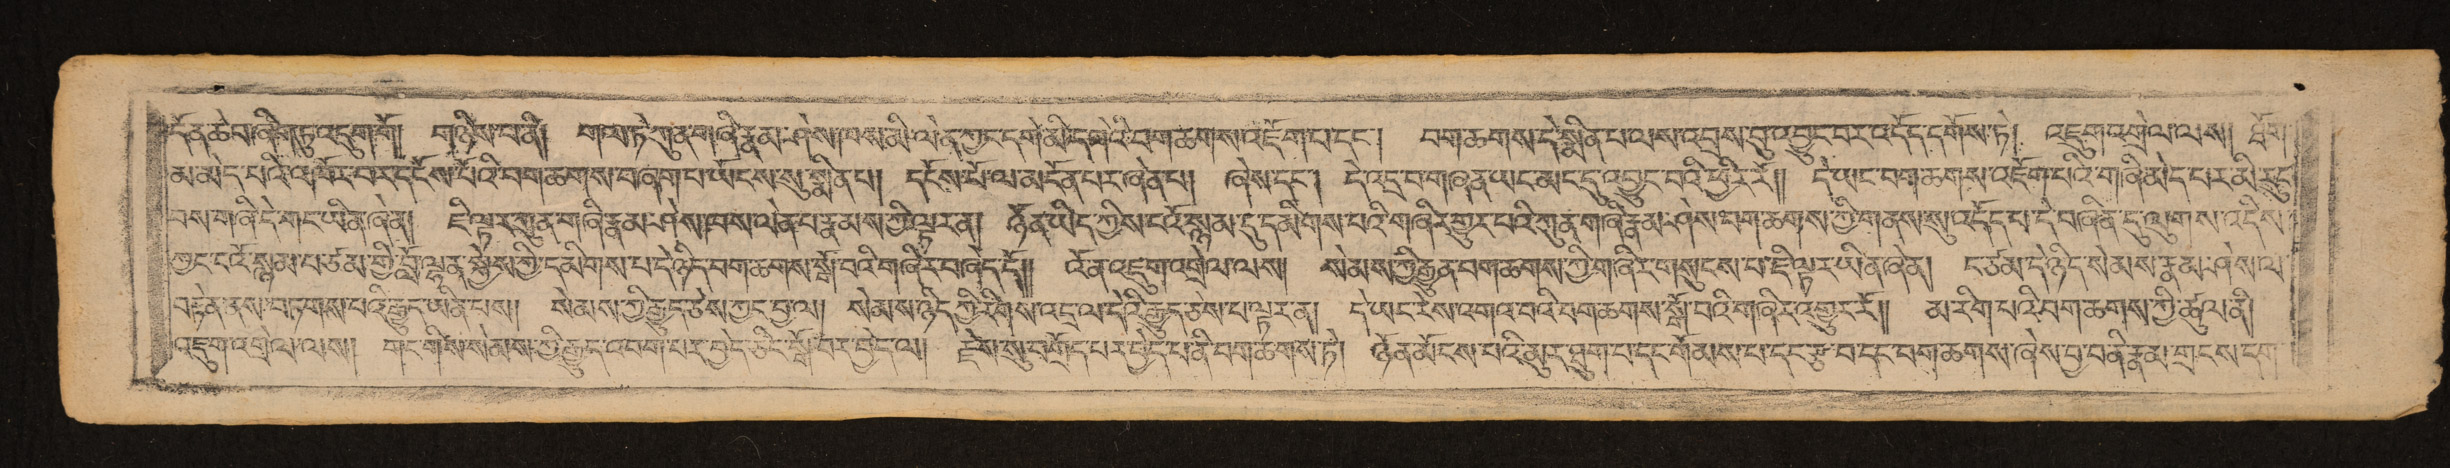དོན་ཆེ་བ་ཞིག་ཏུ་འདུག་གོ། གཉིས་པ་ནི། གལ་ཏེ་ཀུན་གཞི་རྣམ་ཤེས་ཁས་མི་ལེན་ཀྱང་དགེ་མི་དགེའི་བག་ཆགས་འཇོག་པ་དང་། བག་ཆགས་དེ་སྨིན་པ་ལས་འབྲས་བུ་འབྱུང་བར་འདོད་དགོས་ཏེ། འཇུག་འགྲེལ་ལས། ཐོག་
མ་མེད་པའི་འཁོར་བར་དངོས་པོའི་བག་ཆགས་བཞག་པ་ཡོངས་སུ་སྨིན་པ། དངོས་པོ་ལ་མངོན་པར་ཞེས་པ། ཞེས་དང་། དེ་འདྲ་བ་གཞན་ཡང་མང་དུ་འབྱུང་བའི་ཕྱིར་རོ།། དེ་ཡང་བག་ཆགས་འཇོག་པའི་གཞི་མེད་པར་མི་རུང་
བས་གཞི་དེ་གང་ཡིན་ཞེ་ན། ཇི་ལྟར་ཀུན་གཞི་རྣམ་ཤེས་ཁས་ལེན་པ་རྣམས་ཀྱི་ལྟར་ན། ཉོན་ཡིད་ཀྱིས་ངའོ་སྙམ་དུ་དམིགས་པའི་གཞིར་གྱུར་པའི་ཀུན་གཞི་རྣམ་ཤེས་བག་ཆགས་ཀྱི་གནས་སུ་འདོད་པ་དེ་བཞིན་དུ་ལུགས་འདིས་
ཀྱང་ངའོ་སྙམ་པ་ཙམ་གྱི་བློ་ལྷན་སྐྱེས་ཀྱི་དམིགས་པ་དེ་ཉིད་བག་ཆགས་སྒོ་བའི་གཞིར་བཞེད་དོ།། འོ་ན་འཇུག་འགྲེལ་ལས། སེམས་ཀྱི་རྒྱུན་བག་ཆགས་ཀྱི་གཞིར་གསུངས་པ་ཇི་ལྟར་ཡིན་ཞེ་ན། ང་ཙམ་དེ་ཉིད་སེམས་རྣམ་ཤེས་ལ་
བརྟེན་ནས་བཏགས་པའི་རྒྱུད་ཡིན་པས། སེམས་ཀྱི་རྒྱུད་ཅེས་ཀྱང་བྱ་ལ། སེམས་ཉིད་ཀྱི་རིགས་འདྲ་ལ་དེའི་རྒྱུད་ཅེས་པ་ལྟར་ན། དེ་ཡང་རེས་འགའ་བའི་བག་ཆགས་སྒོ་བའི་གཞིར་འགྱུར་རོ།། མ་རིག་པའི་བག་ཆགས་ཀྱི་ཚུལ་ནི།
འཇུག་འགྲེལ་ལས། གང་གིས་སེམས་ཀྱི་རྒྱུད་འབག་པར་བྱེད་ཅིང་སྒོ་བར་བྱེད་ལ། རྗེས་སུ་བགྲོད་པར་བྱེད་པ་ནི་བག་ཆགས་ཏེ། ཉོན་མོངས་པའི་མུར་ཐུག་པ་དང་གོམས་པ་དང་རྩ་བ་དང་བག་ཆགས་ཞེས་བྱ་བ་ནི་རྣམ་གྲངས་དག་